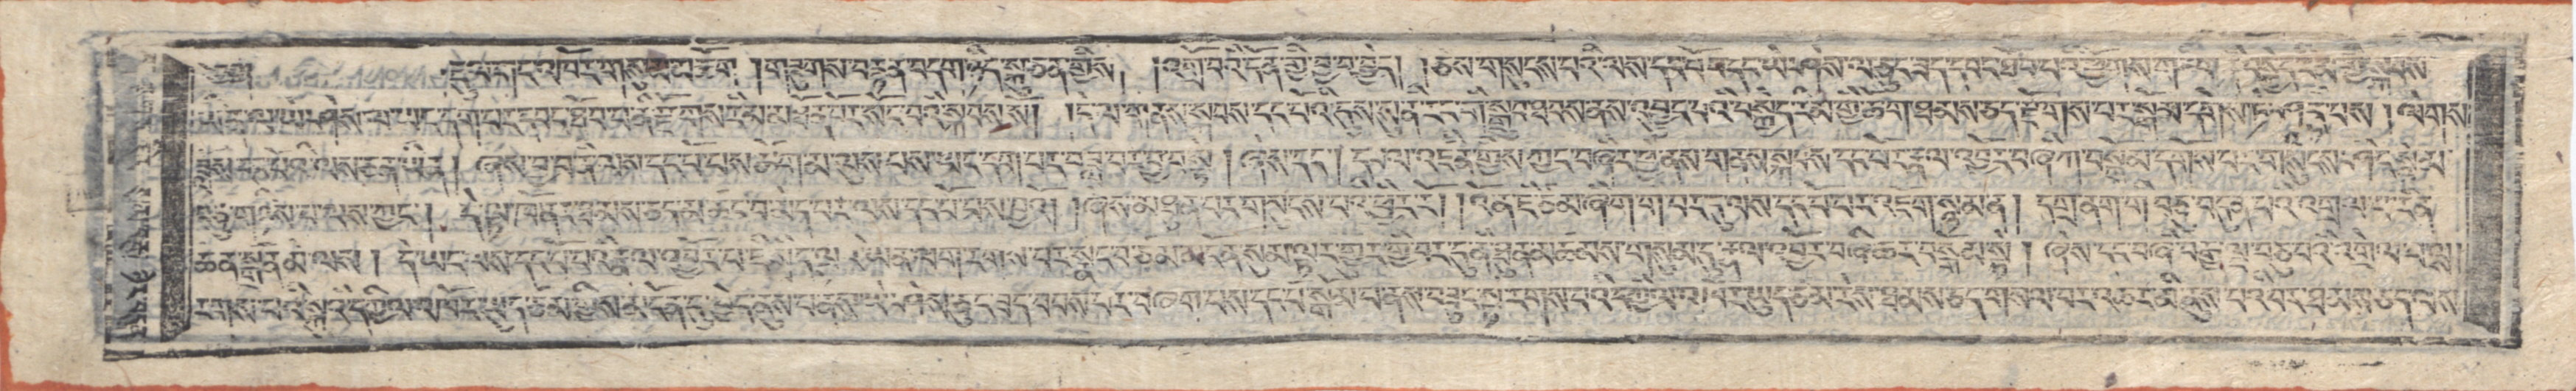༄༅། །རྡུལ་གང་འཁོར་གསུམ་མཆོག །གཟུགས་བརྙན་བདག་ཉིད་སྐུ་ཅན་གྱིས། །འགྲོ་བའི་དོན་གྱི་བྱ་བ་བྱེད། །ཅེས་གསུངས་པའི་ལས་དང་པོ་པ་དང་ཡེ་ཤེས་ལ་ཅུང་ཟད་དབང་ཐོབ་པའི་ཕྱོགས་གཅིག་ནི་བསྐྱེད་རིམ་གྱི་སྐབས་
ཡིན་ལ་ཡེ་ཤེས་ལ་ཡང་དག་པར་དབང་ཐོབ་པ་ནི་རྫོགས་རིམ་མཐོན་པོར་སོང་བའི་སྐབས་སོ། །དེ་ལ་གནས་སྐབས་དང་པོའི་དུས་སུ་ནི་རང་གི་སྒྲུབ་ཐབས་ནས་འབྱུང་བའི་བསྐྱེད་རིམ་གྱི་ཆོ་ག་ཐམས་ཅད་རྫོགས་པར་སྒོམ་དགོས་ཏེ་ཤཱནྟི་པས། ལེགས་
ཟློས་དང་པོའི་ལས་ཅན་ཡིན། ཞེས་བྱ་བ་ནི་ལས་དང་པོ་པས་ཆོ་ག་མ་ལུས་པས་ཡང་དག་པར་བཟླ་བར་བྱ་བ་སྟེ། ཞེས་དང་། དཔལ་འཛིན་གྱིས་ཀྱང་བཞིར་ཕྱེ་ནས་གནས་སྐབས་དང་པོར་རྣལ་འབྱོར་བཞི་ཀ་བསྒོམ་དགོས་པར་གསུངས་ཤིང་སྙེ་མ་
བཅུ་གཉིས་པ་ལས་ཀྱང་། དེ་ལྟ་ཁོ་ནར་ཐམས་ཅད་མ་ཚང་བ་མེད་པར་ལས་དང་པོ་པས་བྱའོ། །ཞེས་མཐུན་པར་གསུངས་པའི་ཕྱིར་རོ། །འོ་ན་ཇི་ཙམ་ཞིག་གི་བར་དུ་ལས་དང་པོ་བར་འཇོག་སྙམ་ན། དགྲ་ནག་གི་བཅུ་བདུན་པའི་འགྲེལ་པ་རིན་
ཆེན་སྒྲོན་མེ་ལས། དེ་ཡང་ལས་དང་པོ་བའི་རྣལ་འབྱོར་པ་ཇི་སྲིད་ལྷའི་ཡན་ལག་རགས་པར་སྣང་བ་ཙམ་མངོན་སུམ་ལྟར་གྱུར་གྱི་བར་དུ་ནི་ཐུན་མཚམས་གསུམ་དུ་རྣལ་འབྱོར་བཞི་ཆར་བསྒོམ་སྟེ། ཞེས་དང་བཞི་བརྒྱ་ལྔ་བཅུ་པའི་འགྲེལ་བ་ལས།
རགས་པའི་སྐུའི་དཀྱིལ་འཁོར་ཡུད་ཙམ་གྱིས་མངོན་དུ་བྱེད་ནུས་པ་ནས་ཡེ་ཤེས་ཅུང་ཟད་བབས་པར་བཞག་པས་དང་པོ་སྒོམ་པ་ནས་བཟུང་སྟེ་རགས་པའི་དཀྱིལ་འཁོར་ཡུད་ཙམ་རེས་ཐམས་ཅད་གསལ་བར་འཆར་མི་ནུས་པའི་བར་ཐམས་ཅད་ལས་